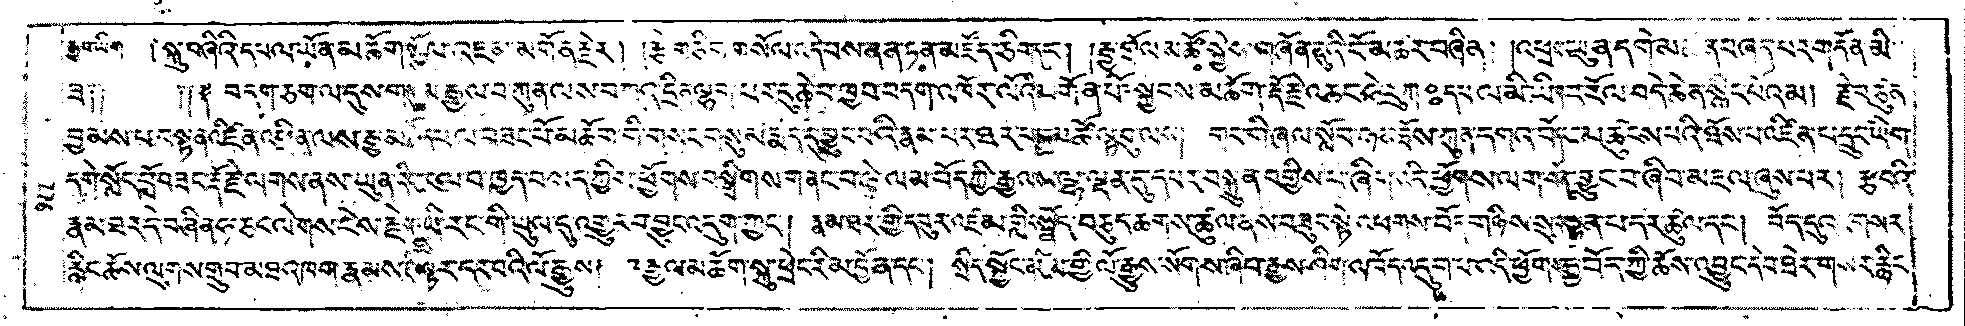རྒྱབ་ཡིག ། སྐུ་བཞིའི་དཔལ་ཡོན྾་མཆོག་སྩོལ་འཇམ་མགོན་རྗེར། །རྩེ་གཅིག་གསོལ་འདེབས་ནན་ཏན྾་མཛོད་ཅིག་དང་། །རྒྱ྾་གྲོལ་མཚོ྾་སྐྱེས་གཞོན་ནུའི་ངོ་མཚར་བཞིན། །འཕྲལ་ཡུན་དགེ་མཚན་བཞད་པར་གདོན་མི་
ཟ༑༑ ༑༑༈ བདག྾་ཅག་ལ་དུས་གསུམ་རྒྱལ་བ་ཀུན་ལས་བཀའ་དྲིན་ལྷག་པར་དུ་ཆེ་བ་ཁྱབ་བདག་འཁོར་ལོའི་མགོན་པོ་༧སྐྱབས་མཆོག་རྡོ་རྗེ་འཆང་ཧེ་རུ་ཀཿ དཔལ་མི་ཡི་གར་རོལ་བདེ་ཆེན་སྙིང་པོའམ། རྗེ་བཙུན་
བྱམས་པ་བསྟན་འཛིན་འཕྲིན་ལས་རྒྱ་མཚོ་དཔལ་བཟང་པོ་མཆོག་གི་གསང་གསུམ་རྨད་དུ་བྱུང་བའི་རྣམ་པར་ཐར་པ་རྒྱ་མཚོ་ལྟ་བུ་ལས། གང་གི་ཞལ་སློབ་ཉན་ཐོས་ཀུན་དགའ་བོ་དང་མཚུངས་པའི་ཐོས་པ་འཛིན་པ་དྲུང་ཡིག་
དགེ་སློང་བློ་བཟང་རྡོ་རྗེ་ལགས་ནས་ཡུན་རིང་ངལ་བ་ཁྱད་བསད་ཀྱིས་ཕྱོགས་བསྒྲིགས་གནང་བ་ཉེ་ལམ་བོད་ཀྱི་རྒྱལ་ས་ལྷ་ལྡན་དུ་དཔར་བསྐྲུན་བགྱིས་པ་ཞིག་འདི་ཕྱོགས་ལག་སོན་བྱུང་བ་ཞིབ་མཇལ་ཞུས་པར། རྩ་བའི་
རྣམ་ཐར་དེ་བཞིན་ཧ་ཅང་ལེགས་ངེས་རྗེས་སུ་ཡི་རང་གི་ཡུལ་དུ་འགྱུར་བ་བྱུང་འདུག་ཀྱང་། རྣམ་ཐར་གྱི་དབུར་འཛམ་གླིང་སྣོད་བཅུད་ཆགས་ཚུལ་ནས་བཟུང་སྟེ་འཕགས་བོད་གཉིས་སུ་བསྟན་པ་དར་ཚུལ་དང་། བོད་དུའང་གསར་
རྙིང་ཆོས་ལུགས་གྲུབ་མཐའ་ཁག་རྣམས་ཇི་ལྟར་དར་བའི་ལོ་རྒྱུས། ༧རྒྱལ་མཆོག་སྐུ་ཕྲེང་རིམ་བྱོན་དང་། སྲིད་སྐྱོང་ན་རིམ་གྱི་ལོ་རྒྱུས་སོགས་ཞིབ་རྒྱས་ཤིག་འཁོད་འདུག་པ་འདི་ཕྱོགས་རྒྱ་བོད་ཀྱི་ཆོས་འབྱུང་དེབ་ཐེར་གསར་རྙིང་